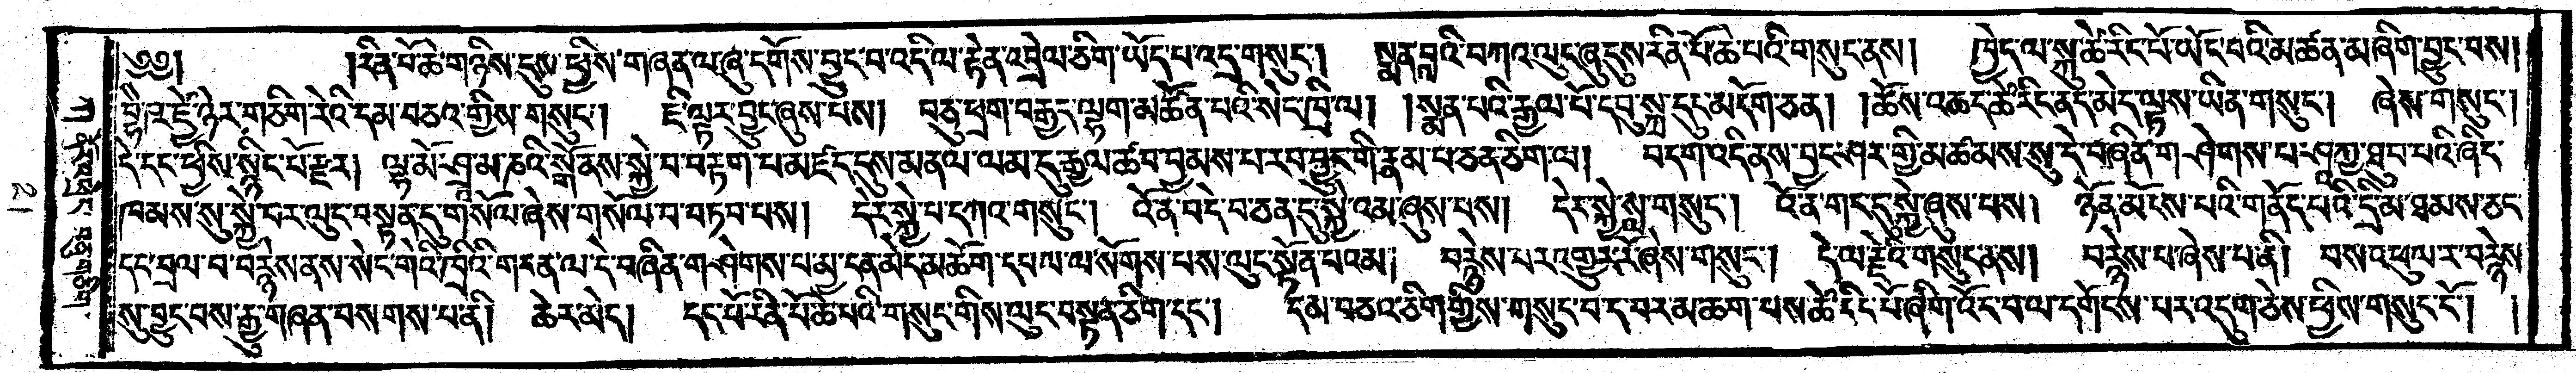༄༅། །རིན་པོ་ཆེ་གཉིས་དུས་ཕྱིས་གཞན་ལ་ཞུ་དགོས་བྱུང་བ་འདི་ལ་རྟེན་འབྲེལ་ཅིག་ཡོད་པ་འདྲ་གསུང་། སྨན་བླའི་བཀའ་ལུང་ཞུ་དུས་རིན་པོ་ཆེ་པའི་གསུང་ནས། ཁྱེད་ལ་སྐུ་ཚེ་རིང་པོ་ཡོང་པའི་མཚན་མ་ཞིག་བྱུང་བས།
བྷཻ་ཥ་ཛྱེ་ཉེར་གཅིག་རེའི་དམ་བཅའ་གྱིས་གསུང་། ཇི་ལྟར་བྱུང་ཞུས་པས། བཅུ་ཕྲག་བརྒྱད་ལྷག་མཚོན་པའི་སེང་ཁྲི་ལ། །སྨན་པའི་རྒྱལ་པོ་དབུ་སྐྲ་དུང་མདོག་ཅན། །ཆོས་འཆད་ཚེ་རིང་ནད་མེད་ལྟས་ཡིན་གསུང་། ཞེས་གསུང་།
དེ་དང་ཕྱིས་སྙིང་པོ་རྫར། ལྷ་མོ་ཤཱ་མ་ཎའི་སྒོ་ནས་སྐྱེ་བ་བརྟག་པ་མཛད་དུས་མནལ་ལམ་དུ་རྒྱལ་ཚབ་བྱམས་པ་རབ་བྱུང་གི་རྣམ་པ་ཅན་ཅིག་ལ། བདག་འདི་ནས་བྱང་ཤར་གྱི་མཚམས་སུ་དེ་བཞིན་གཤེགས་པ་ཤཱཀྱ་ཐུབ་པའི་ཞིང་
ཁམས་སུ་སྐྱེ་བར་ལུང་བསྟན་དུ་གསོལ་ཞེས་གསོལ་བ་བཏབ་པས། དེར་སྐྱེ་པ་དཀའ་གསུང་། འོ་ན་བདེ་བ་ཅན་དུ་སྐྱེ་འམ་ཞུས་པས། དེར་སྐྱེ་སླ་གསུང་། འོ་ན་གང་དུ་སྐྱེ་ཞུས་པས། ཉོན་མོངས་པའི་གནོད་པའི་དྲི་མ་ཐམས་ཅད་
དང་བྲལ་བ་བརྙེས་ནས་སེང་གེའི་ཁྲིའི་གདན་ལ་དེ་བཞིན་གཤེགས་པ་མྱ་ངན་མེད་མཆོག་དཔལ་ལ་སོགས་པས་ལུང་སྟོན་པའམ། བརྙེས་པར་འགྱུར་རོ་ཞེས་གསུང་། དེ་ལ་རྗེའི་གསུང་ནས། བརྙེས་པ་ཞེས་པ་ནི། བས་འཕུལ་ར་བརྙེས་
སུ་བྱུང་བས་རྒྱུ་གཞན་བསགས་པ་ནི། ཆེར་མེད། དང་པོ་རིན་པོ་ཆེ་པའི་གསུང་གིས་ལུང་བསྟན་ཅིག་དང་། དམ་བཅའ་ཅིག་གྱིས་གསུང་བ་ད་བར་མ་ཆག་པས་ཚེ་རིང་པོ་ཞིག་འོང་བ་ལ་དགོངས་པར་འདུག་ཅེས་ཕྱིས་གསུང་ངོ། །